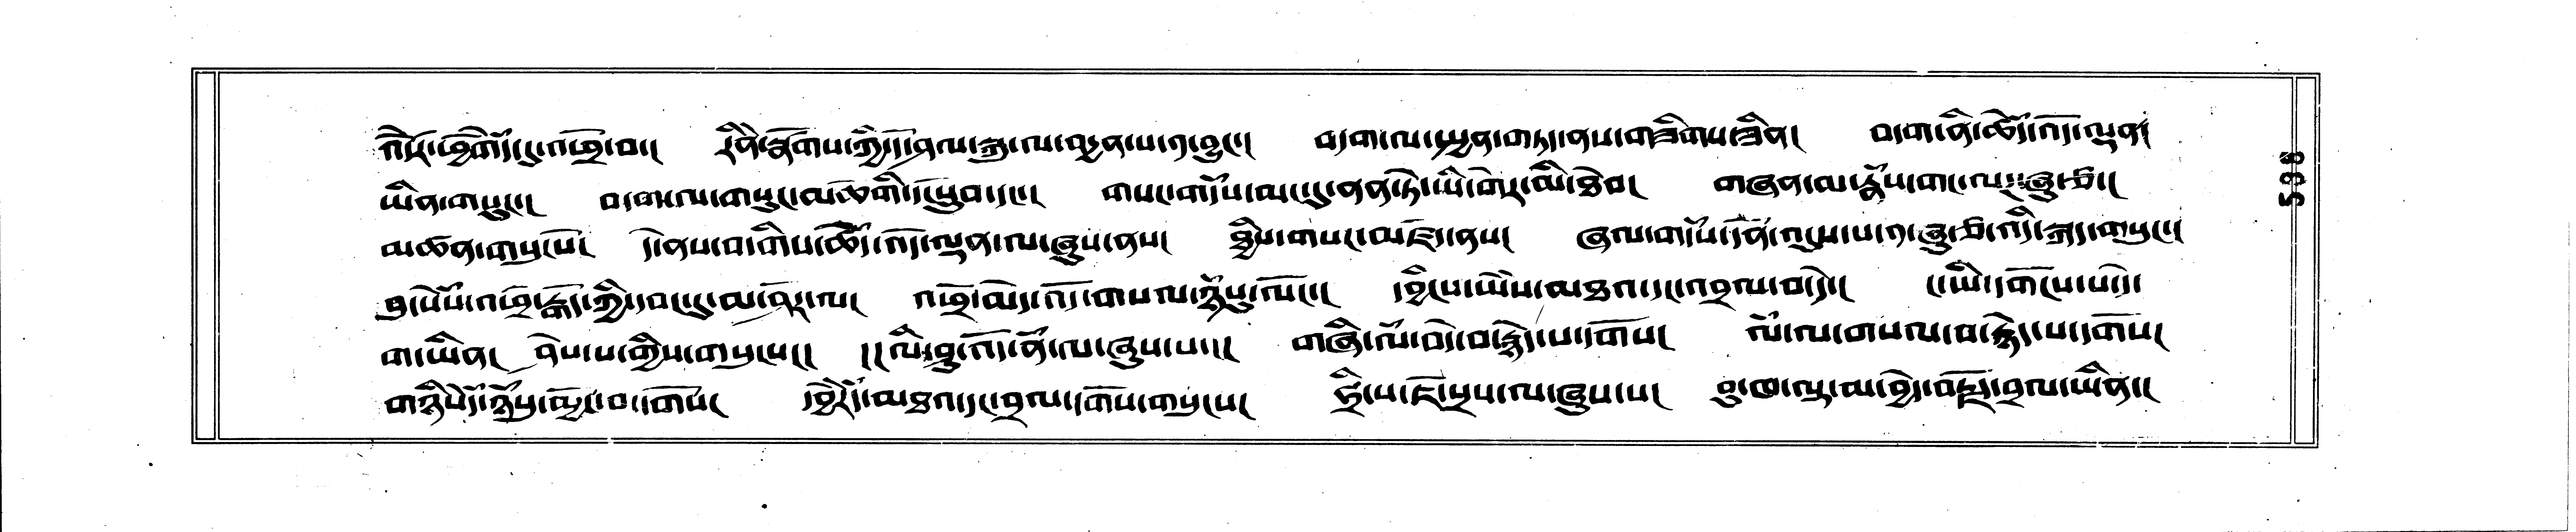འོད་ཟེར་ཕྱོགས་མེད་འཕྲོ་བ། རིན་པོ་ཆེ་སྣ་ཚོགས་ཀྱི་དོ་ཤལ་གྱི་སྐུ་ལ་བརྒྱན་པ་གཅིག་ཏུ་བྱུང་། བདག་ལ་སྤྱན་གྱི་༼གྱིས༽གཏད་ནས་གཟིགས་སིན། བདག་ཚད་མེད་འོད་ལྡན་
ཡིན་གསུངས་ནས། བདག་ལ་གསང་མཆོག་གི་དངོས་གྲུབ་དང་གསང་གཏམ་མང་དུ་མཛད་དེ་ཡི་གེར་མ་ཐེབས་སོ། གཞན་མ་རྣམས་གང་ལགས་ཞུས་ཙ་
མཚན་གསང་དོ། དེ་ནས་བདག་གིས་སྤྱན་དྲང་ནས། ཚད་མེད་འོད་ལྡན་ལ། ཐུགས་ཀྱི་མཛོད་ནས་ཞལ་གདམ་དོན་གཅིག་ཞུ་བྱས་ཙ། འདི་སྐད་གསུངས། 
བུ་སེམས་འཕྲོ་རྒོད་ཀྱི་དབང་དུ་མ་ཤོར་ལ། འཕྲོ་མེད་འོད་གསལ་ཉམས་སུ་ལོང་། དབྱིངས་ཡེ་ཤེས་མཐའ་དང་བྲལ་བ་དེ། ངའི་དགོངས་པ་དེ་
ཀ་ཡིན། ཤེས་པར་གྱིས་གསུངས། ལི་ཤག་”ལི་ཤུ”འོད་ནམ་ལ་ཞུས་པ། གཞི་ལ་བདེ་བ་རྙེད་དགོས། ལམ་ལ་གསལ་བ་རྙེད་དགོས། 
གཉིས་མེད་ཉམས་སུ་མྱོང་དགོས། དབྱེར་མེད་མཐའ་དང་བྲལ་དགོས་གསུངས། ཧྲིས་པ་ཇོ་སྲས་ལ་ཞུས་པ། བུ་ཁ་ལྟ་མ་བྱེད་བརྗོད་བྲལ་ཡིན།